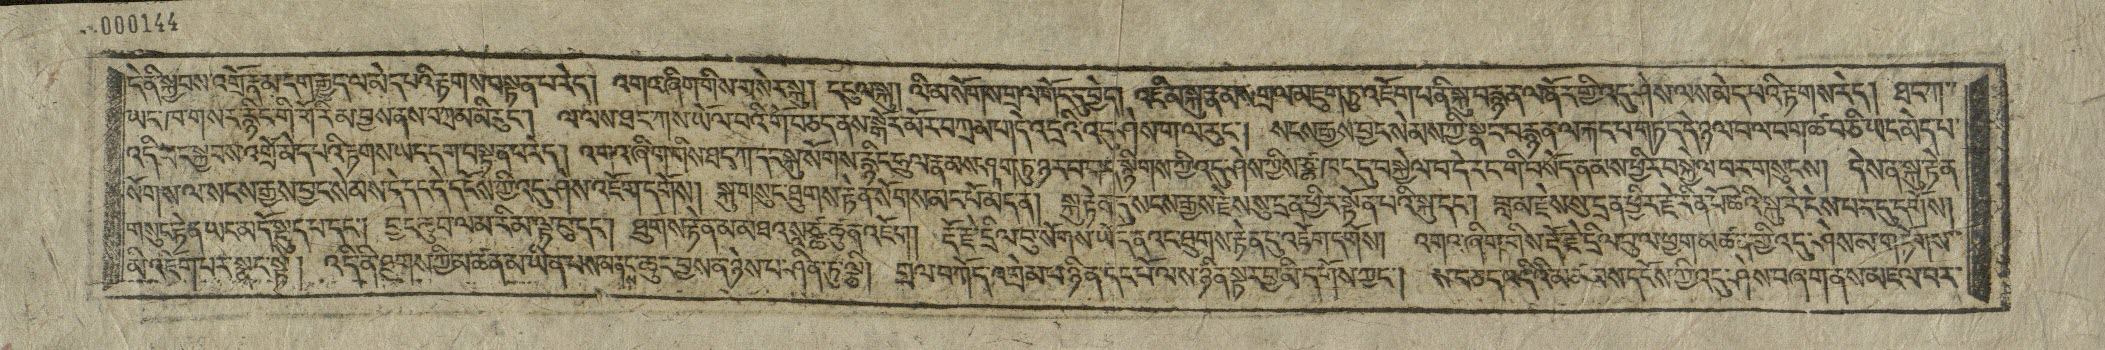དེ་ནི་སྐྱབས་འགྲོ་རྣམ་དག་རྒྱུད་ལ་མེད་པའི་རྟགས་བསྟན་པ་རེད། འགའ་ཞིག་གིས་གསེར་སྐུ། དངུལ་སྐུ། ལི་མ་སོགས་གྲལ་གོང་དུ་བྱེད། འཇིམ་སྐུ་རྣམས་གྲལ་མཇུག་ཏུ་འཇོག་པ་ནི་སྐུ་བརྙན་ལ་ནོར་གྱི་འདུ་ཤེས་ལས་མེད་པའི་རྟགས་རེད། ཐང་ཀ་
ཡང་ཁ་གསར་རྙིང་གི་གོ་རིམ་བྱས་ནས་བཀྲམ་མི་རུང་། ལ་ལས་ཐང་ཀས་ཡོལ་བའི་གོ་བཅད་ནས་སྒོར་མོར་བཀྲམ་པ། དེ་འདྲའི་འདུ་ཤེས་ག་ལ་རུང་། སངས་རྒྱས་བྱང་སེམས་ཀྱི་སྣང་བརྙན་ལ་རྐང་པ་གཏད་དེ་ཉལ་བ་ལ་བག་ཚ་བ་ཅི་ཡང་མེད་པ་
འདི་ཡང་སྐྱབས་འགྲོ་མེད་པའི་རྟགས་ཡང་དག་བསྟན་པ་རེད། འགའ་ཞིག་གིས་ཐང་ཀ་དང་སྐུ་སོགས་རྙིང་ཧྲུལ་རྣམས་ཤག་ཏུ་ཉར་བ་གད་སྙིགས་ཀྱི་འདུ་ཤེས་ཀྱིས་ཙྪ་ཁང་དུ་བསྐྱེལ་བ་དེ་རང་གི་བསོད་ནམས་ཕྱིར་བསྐྱེལ་བར་གསུངས། དེས་ན་སྐུ་རྟེན་
སོགས་ལ་སངས་རྒྱས་བྱང་སེམས་དེ་དང་དེ་དངོས་ཀྱི་འདུ་ཤེས་འཇོག་དགོས། སྐུ་གསུང་ཐུགས་རྟེན་སོགས་མང་པོ་མེད་ན། སྐུ་རྟེན་དུ་སངས་རྒྱས་རྗེས་སུ་དྲན་ཕྱིར་སྟོན་པའི་སྐུ་དང་། བླ་མ་རྗེས་སུ་དྲན་ཕྱིར་རྗེ་རིན་པོ་ཆེའི་སྐུ་རེ་ངེས་པར་དུ་དགོས།
གསུང་རྟེན་ཡང་མདོ་སྡུད་པ་དང་། བྱང་ཆུབ་ལམ་རིམ་ལྟ་བུ་དང་། ཐུགས་རྟེན་མ་མཐའ་སཱ་ཙྪ་ཚུན་འཇོག་རྡོ་རྗེ་དྲིལ་བུ་སོགས་ཡོད་ནའང་ཐུགས་རྟེན་དུ་འཇོག་དགོས། འགའ་ཞིག་གིས་རྡོ་རྗེ་དྲིལ་བུ་ལ་ཕྱག་མཚན་གྱི་འདུ་ཤེས་མ་གཏོགས་
མི་འཇོག་པར་སྣང་སྟེ། འདི་ནི་ཐུགས་ཀྱི་མཚན་མ་ཡིན་པས་མནངས་ཆུང་བྱས་ན་ཉེས་པ་ཤིན་ཏུ་ལྕི། གྲལ་བཀོད་འགྲེམ་པ་ཉིན་དང་པོ་ལས་ཉིན་སྟར་བྱ་མི་དགོས་ཀྱང་། ས་བཅད་འདིའི་མཚམས་དངོས་ཀྱི་འདུ་ཤེས་བཞག་ནས་མཇལ་བར་